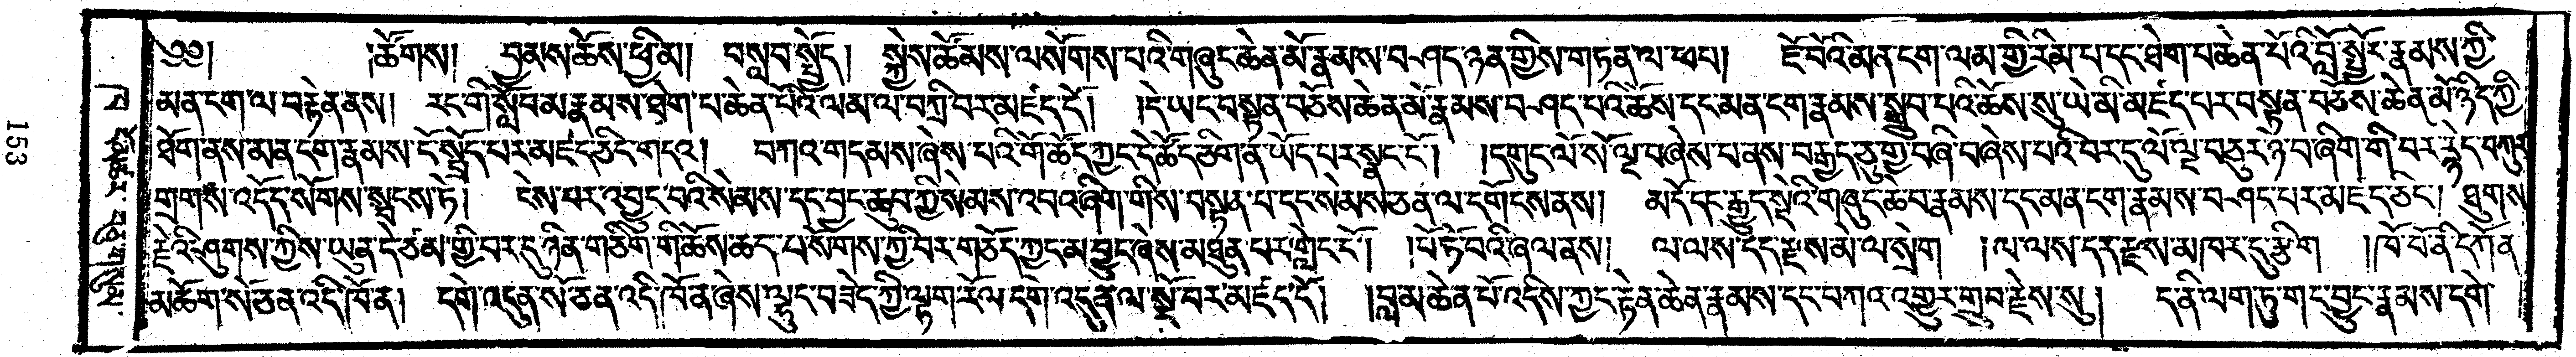༄༅། །ཚོགས། བྱམས་ཆོས་ཕྱི་མ། བསླབ་སྤྱོད། སྐྱེས་ཚོམས་ལ་སོགས་པའི་གཞུང་ཆེན་མོ་རྣམས་བཤད་ཉན་གྱིས་གཏན་ལ་ཕབ། ཇོ་བོའི་མན་ངག་ལམ་གྱི་རིམ་པ་དང་ཐེག་པ་ཆེན་པོའི་བློ་སྦྱོར་རྣམས་ཀྱི་
མན་ངག་ལ་བརྟེན་ནས། རང་གི་སློབ་མ་རྣམས་ཐེག་པ་ཆེན་པོའི་ལམ་ལ་བཀྲི་བར་མཛད་དོ། །དེ་ཡང་བསྟན་བཅོས་ཆེན་མོ་རྣམས་བཤད་པའི་ཆོས་དང་མན་ངག་རྣམས་སྒྲུབ་པའི་ཆོས་སུ་ཡེ་མི་མཛད་པར་བསྟན་བཅོས་ཆེན་མོ་ཉིད་ཀྱི་
ཐོག་ནས་མན་ངག་རྣམས་ངོ་སྤྲོད་པར་མཛད་ཅིང་གདའ། བཀའ་གདམས་ཞེས་པའི་གོ་ཚོད་ཀྱང་དེ་ཚོད་ཅིག་ན་ཡོད་པར་སྣང་ངོ། །དགུང་ལོ་སོ་ལྔ་བཞེས་པ་ནས་བརྒྱད་ཅུ་གྱ་བཞི་བཞེས་པའི་བར་དུ་ལོ་ལྔ་བཅུར་ཉེ་བ་ཞིག་གི་བར་རྙེད་བཀུར་
གྲགས་འདོད་སོགས་སྦངས་ཏེ། ངེས་པར་འབྱུང་བའི་སེམས་དང་བྱང་ཆུབ་ཀྱི་སེམས་འབའ་ཞིག་གིས་བསྟན་པ་དང་སེམས་ཅན་ལ་དགོངས་ནས། མདོ་དང་རྒྱུད་སྡེའི་གཞུང་ཆེ་བ་རྣམས་དང་མན་ངག་རྣམས་བཤད་པར་མཛད་ཅིང་། ཐུགས་
རྗེའི་ཤུགས་ཀྱིས་ཡུན་དེ་ཙམ་གྱི་བར་དུ་ཉིན་གཅིག་གི་ཆོས་ཆད་པ་སོགས་ཀྱི་བར་གཅོད་ཀྱང་མ་བྱུང་ཞེས་མཐུན་པར་གླེང་ངོ། །པོ་ཏོ་བའི་ཞལ་ནས། ལ་ལས་དད་རྫས་མེ་ལ་སྲེག །ལ་ལས་དར་རྫས་མཁར་དུ་རྩིག །ཁོ་བོ་ནི་དཀོན་
མཆོག་སོ་ཅན་འདི་ཁོ་ན། དགེ་འདུན་སོ་ཅན་འདི་ཁོ་ན་ཞེས་ལྷུང་བཟེད་ཀྱི་ལྟག་རོལ་དགེ་འདུན་ལ་སྔོ་བར་མཛད་དོ། །བླ་མ་ཆེན་པོ་འདིས་ཀྱང་རྟེན་ཆེན་རྣམས་དང་བཀའ་འགྱུར་གྲུབ་རྗེས་སུ། ད་ནི་ལག་ཏུ་གང་བྱུང་རྣམས་དགེ་